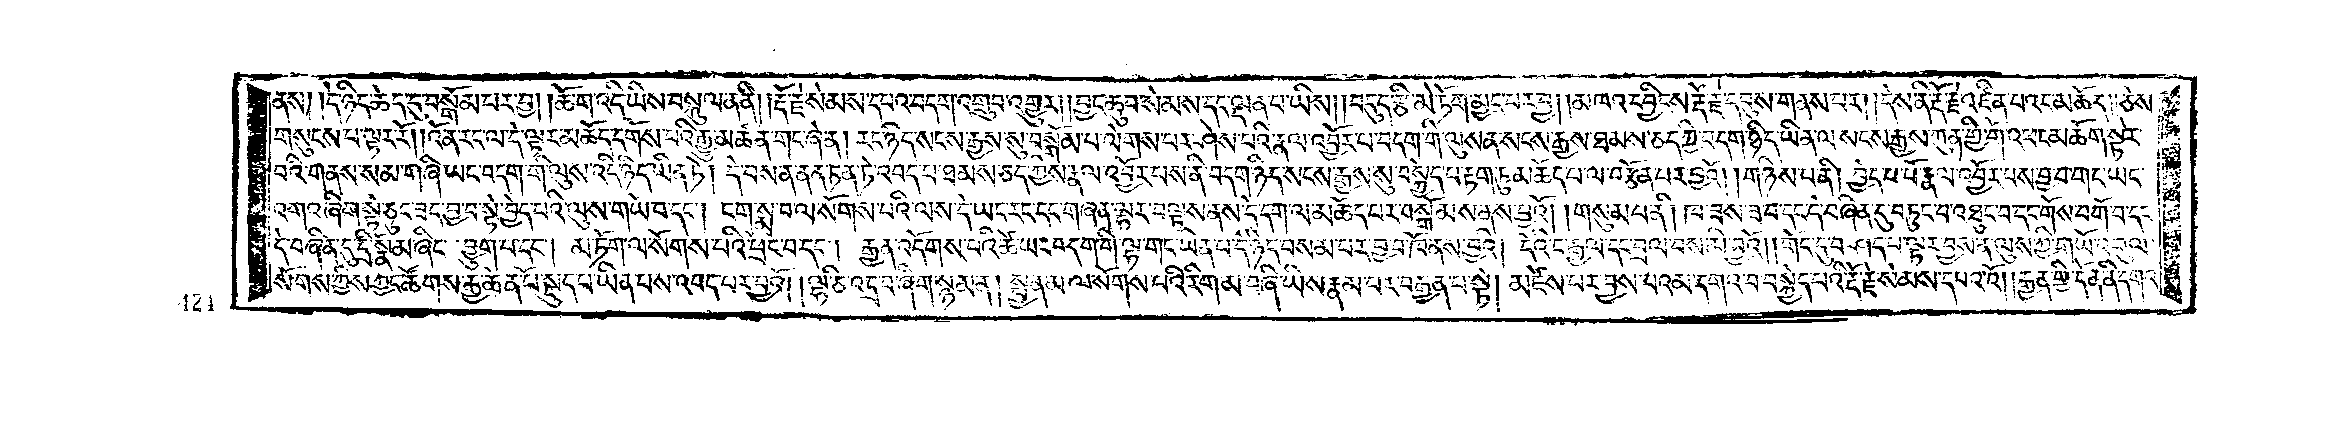ནས། །དེ་ཉིད་ཆེད་དུ་བསྒོམ་པར་བྱ། །ཆོ་ག་འདི་ཡིས་བསྐུལ་ན་ནི། །རྡོ་རྗེ་སེམས་དཔའ་བདག་འགྲུབ་འགྱུར། །བྱང་ཆུབ་སེམས་དང་ལྡན་པ་ཡིས། །བདུད་རྩི་མེ་ཏོག་མྱང་བར་བྱ། །མཁའ་དབྱིངས་རྡོ་རྗེ་དབུས་གནས་པར། །དེས་ནི་རྡོ་རྗེ་འཛིན་པའང་མཆོད། །ཅེས་
གསུངས་པ་ལྟར་རོ། །འོ་ན་རང་ལ་དེ་ལྟར་མཆོད་དགོས་པའི་རྒྱུ་མཚན་གང་ཞེ་ན། རང་ཉིད་སངས་རྒྱས་སུ་བསྒོམ་པ་ལེགས་པར་ཤེས་པའི་རྣལ་འབྱོར་པ་བདག་གི་ལུས་ན་སངས་རྒྱས་ཐམས་ཅད་ཀྱི་བདག་ཉིད་ཡིན་ལ་སངས་རྒྱས་ཀུན་གྱི་གོ་འཕང་མཆོག་སྟེར་
བའི་གནས་སམ་གཞི་ཡང་བདག་གི་ལུས་འདི་ཉིད་ཡིན་ཏེ། དེ་བས་ན་ནན་ཏན་ཏེ་འབད་པ་ཐམས་ཅད་ཀྱིས་རྣལ་འབྱོར་པས་ནི་བདག་ཉིད་སངས་རྒྱས་སུ་བསྐྱེད་པ་རྟག་ཏུ་མཆོད་པ་ལ་བརྩོན་པར་བྱའོ། །གཉིས་པ་ནི། བྱེད་པ་པོ་རྣལ་འབྱོར་པས་བྱ་བ་གང་ཡང་
འགའ་ཞིག་སྟེ་ཅུང་ཟད་བྱ་བ་སྟེ་བྱེད་པའི་ལུས་གཡོ་བ་དང་། ངག་སྨྲ་བ་ལ་སོགས་པའི་ལས་དེ་ཡང་རང་དང་གཞན་ལྷར་བལྟས་ནས་དེ་དག་ལ་མཆོད་པར་བསྒོམས་ནས་བྱའོ། །གསུམ་པ་ནི། ཁ་ཟས་ཟ་བ་དང་དེ་བཞིན་དུ་བཏུང་བ་འཐུང་བ་དང་གོས་བགོ་བ་དང་
དེ་བཞིན་དུ་དྲི་སྣོམ་ཞིང་བྱུག་པ་དང་། མེ་ཏོག་ལ་སོགས་པའི་ཕྲེང་བ་དང་། རྒྱན་འདོགས་པའི་ཚེ་ཡང་བདག་གི་ལྷ་གང་ཡིན་པ་དེ་ཉིད་བསམ་པར་བྱ་བ་ཁོ་ནས་བྱའི། དེའི་ང་རྒྱལ་དང་བྲལ་བས་མི་བྱའོ། །གོང་དུ་བཤད་པ་ལྟར་བྱས་ན་ལུས་ཀྱི་གཡོ་འགུལ་
སོགས་ཀྱིས་ཀྱང་ཚོགས་རྒྱ་ཆེན་པོ་སྡུད་པ་ཡིན་པས་འབད་པར་བྱའོ། །ལྷ་ཅི་འདྲ་བ་ཞིག་སྙམ་ན། སྤྱན་མ་ལ་སོགས་པའི་རིག་མ་བཞི་ཡིས་རྣམ་པར་བརྒྱན་པ་སྟེ། མཛེས་པར་བྱས་པའམ་དགའ་བ་བསྐྱེད་པའི་རྡོ་རྗེ་སེམས་དཔའ་འོ། །རྒྱན་གྱི་དོན་ནི་དགའ་